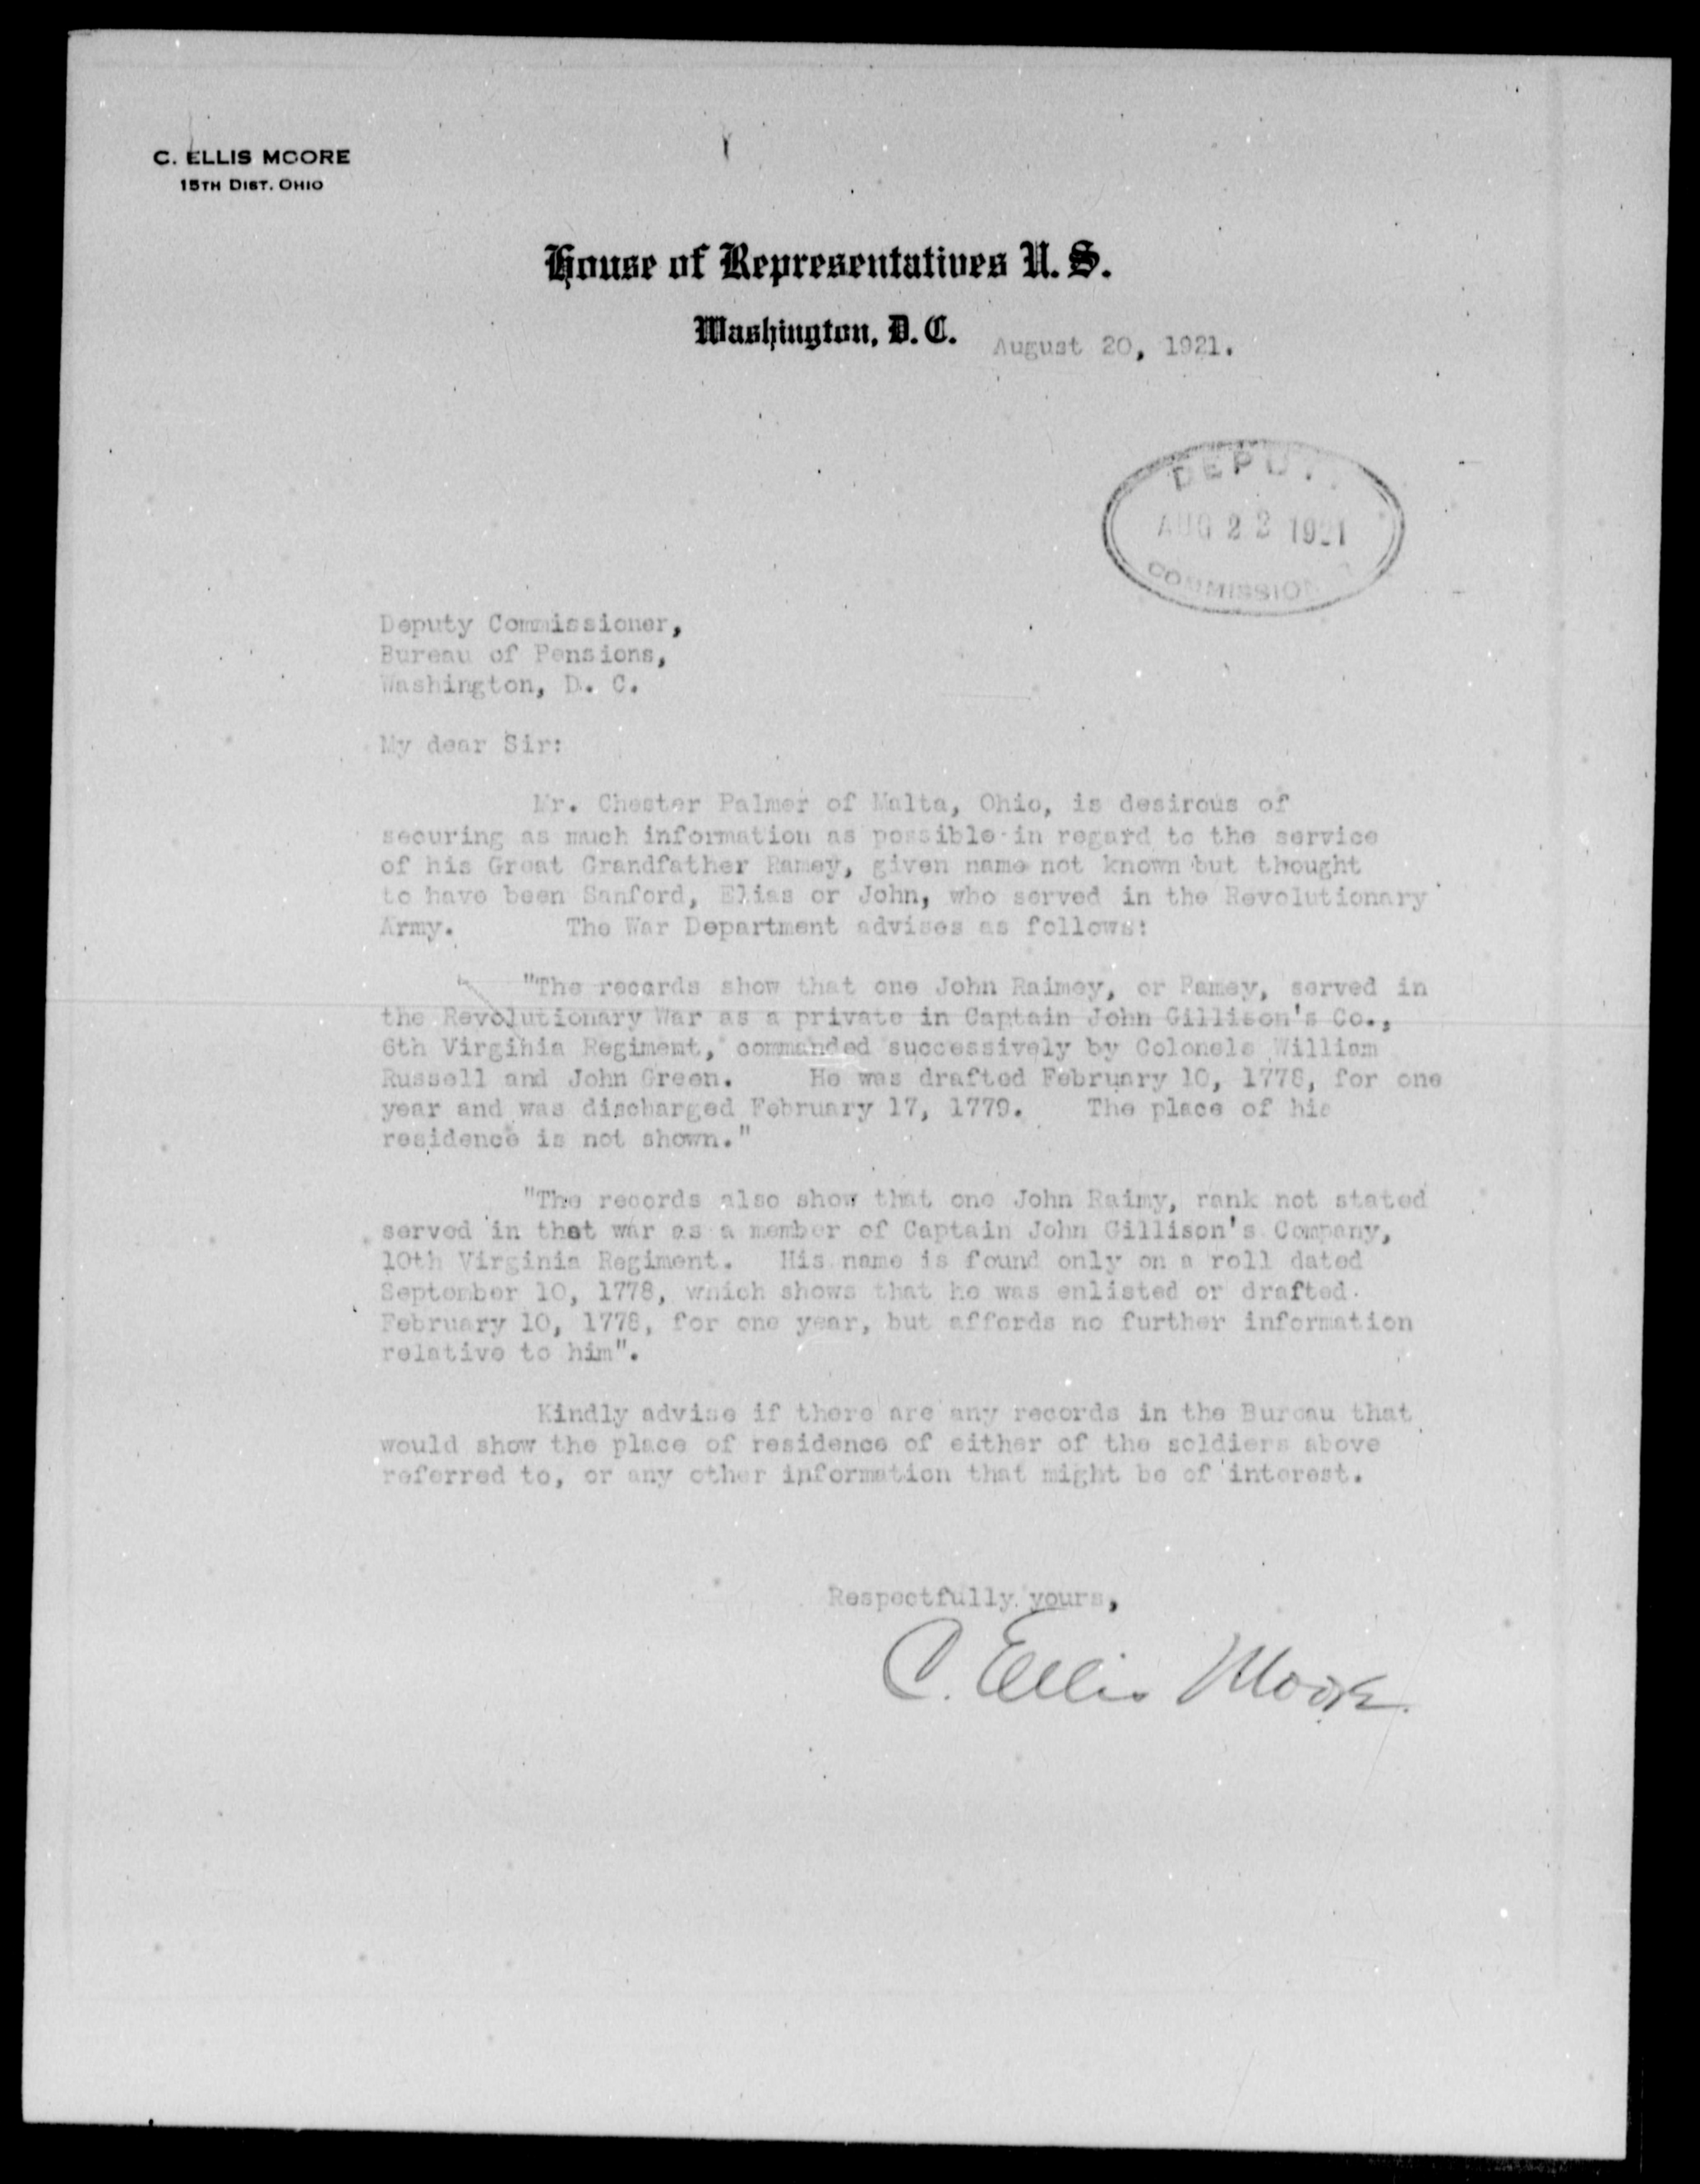C. ELLIS MOORE
18TH DIST. OHIO
House of Representatives U.S.
Washington, D.C. August 20, 1921.
DEPUTY COMMISSIONER
AUG 22 1921

Deputy Commissioner,
Bureau of Pensions,
Washington, D. C.
My dear Sir:
Mr. Chester Palmer of Malta, Ohio, is desirous of securing as much information as possible in regard to the service of his Great Grandfather Ramey, given name not known but thought to have been Sanford, Elias or John, who served in the Revolutionary Army. The War Department advises as follows:
"The records show that one John Ramey, or Remey, served in the Revolutionary War as a private in Captain John Gillison's Co., 6th Virginia Regiment, commanded successively by Colonels William Russell and John Green. He was drafted February 10, 1778, for one year and was discharged February 17, 1779. The place of his residence is not shown."
"The records also show that one John Raimy, rank not stated served in that war as a member of Captain John Gillison's Company, 10th Virginia Regiment. His name is found only on a roll dated September 10, 1778, which shows that he was enlisted or drafted February 10, 1778, for one year, but affords no further information relative to him".
Kindly advise if there are any records in the Bureau that would show the place of residence of either the soldiers above referred to, or any other information that might be of interest.
Respectfully yours,
C. Ellis Moore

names: C Ellis Moore; John Raimy; Sanford [BLANK]; Chester Palmer; John [BLANK]; Elias [BLANK]; John Raimey; John Remay; William Russell; John Green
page: 58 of 84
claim: widow's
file: W.11104, for John Remay, Virginia